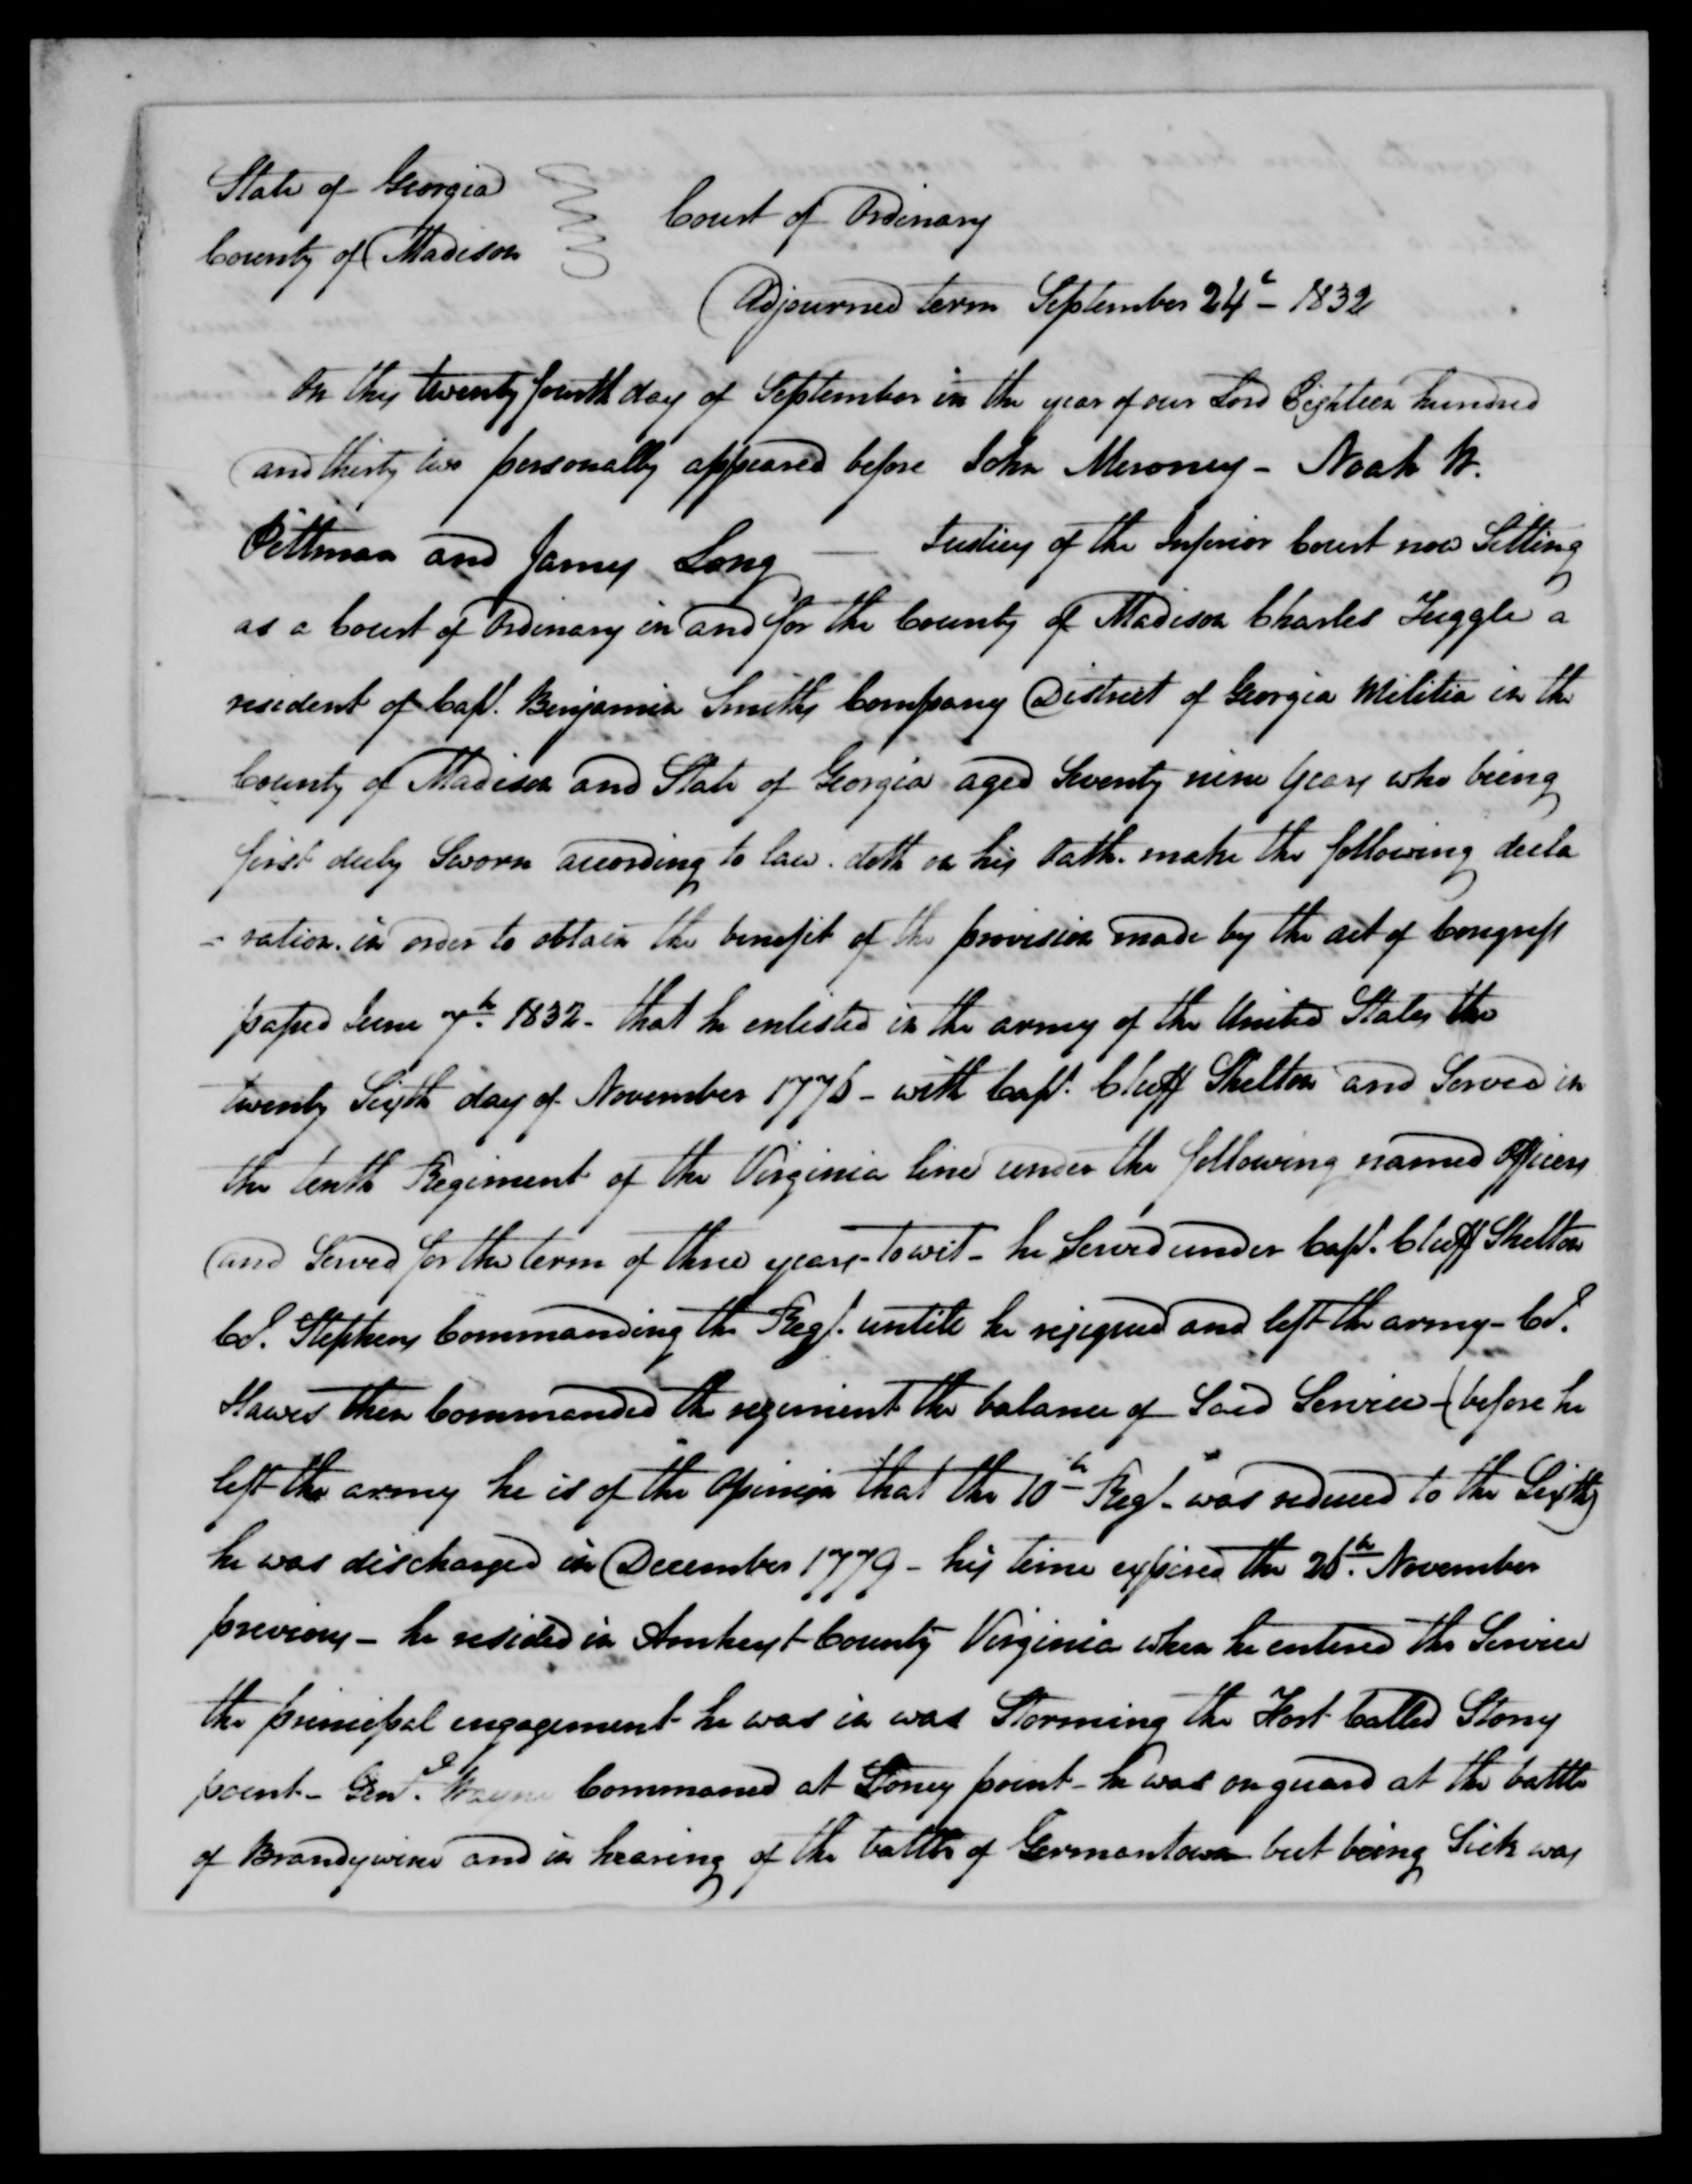State of Georgia
County of Madison
Court of Ordinary
Adjourned term September 24th 1832
On this twenty fourth day of September in the year of our Lord Eighteen hundred
and thirty two personally appeared before John Moroney. Noah W
Pittman and James Long
Justices of the Inferior Court now sitting
as a Court of Ordinary in and for the County of Madison Charles Tuggle a
resident of Capt. Benjamin Smith Company District of Georgia Militia in the
County of Madison and State of Georgia aged Seventy nine years who being
first duly sworn according to law doth on his oath make the following 
declaration in order to obtain the benefit of the provision made by the act of Congress
passed June 7th 1832 that he enlisted in the army of the United States the
twenty Sixth day of November 1776 with Capt. Cluff Shelton and Served in
the tenth Regiment of the Virginia line under the following named officers
and served for the term of three years to wit, he served under Capt. Cluff Shelton
Col. Stephens Commanding the Regt. until he resigned and left the army. Col.
Hawes then commanded the regiment the balance of said Service (before he
left the army he is of the opinion that the 10th Regt. was reduced to the Sixth)
he was discharged in December 1779, his time expired the 26th November
previous, he resided in Amherst County Virginia when he entered the service
the principal engagement he was in was Storming the Fort called Stony
point. Gen. Wayne command at Stoney point. he was on guard at the battle
of Brandywine and in hearing of the battle of Germantown but being sick was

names: John Meroney, Noah W Pittman, Charles Tuggle, James Long, Wayne, Cluff Shelton, Stephens, Cluff Shelton, Hawes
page: 7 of 23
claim: survivor's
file: S. 32559, Charles Tuggle, Va.